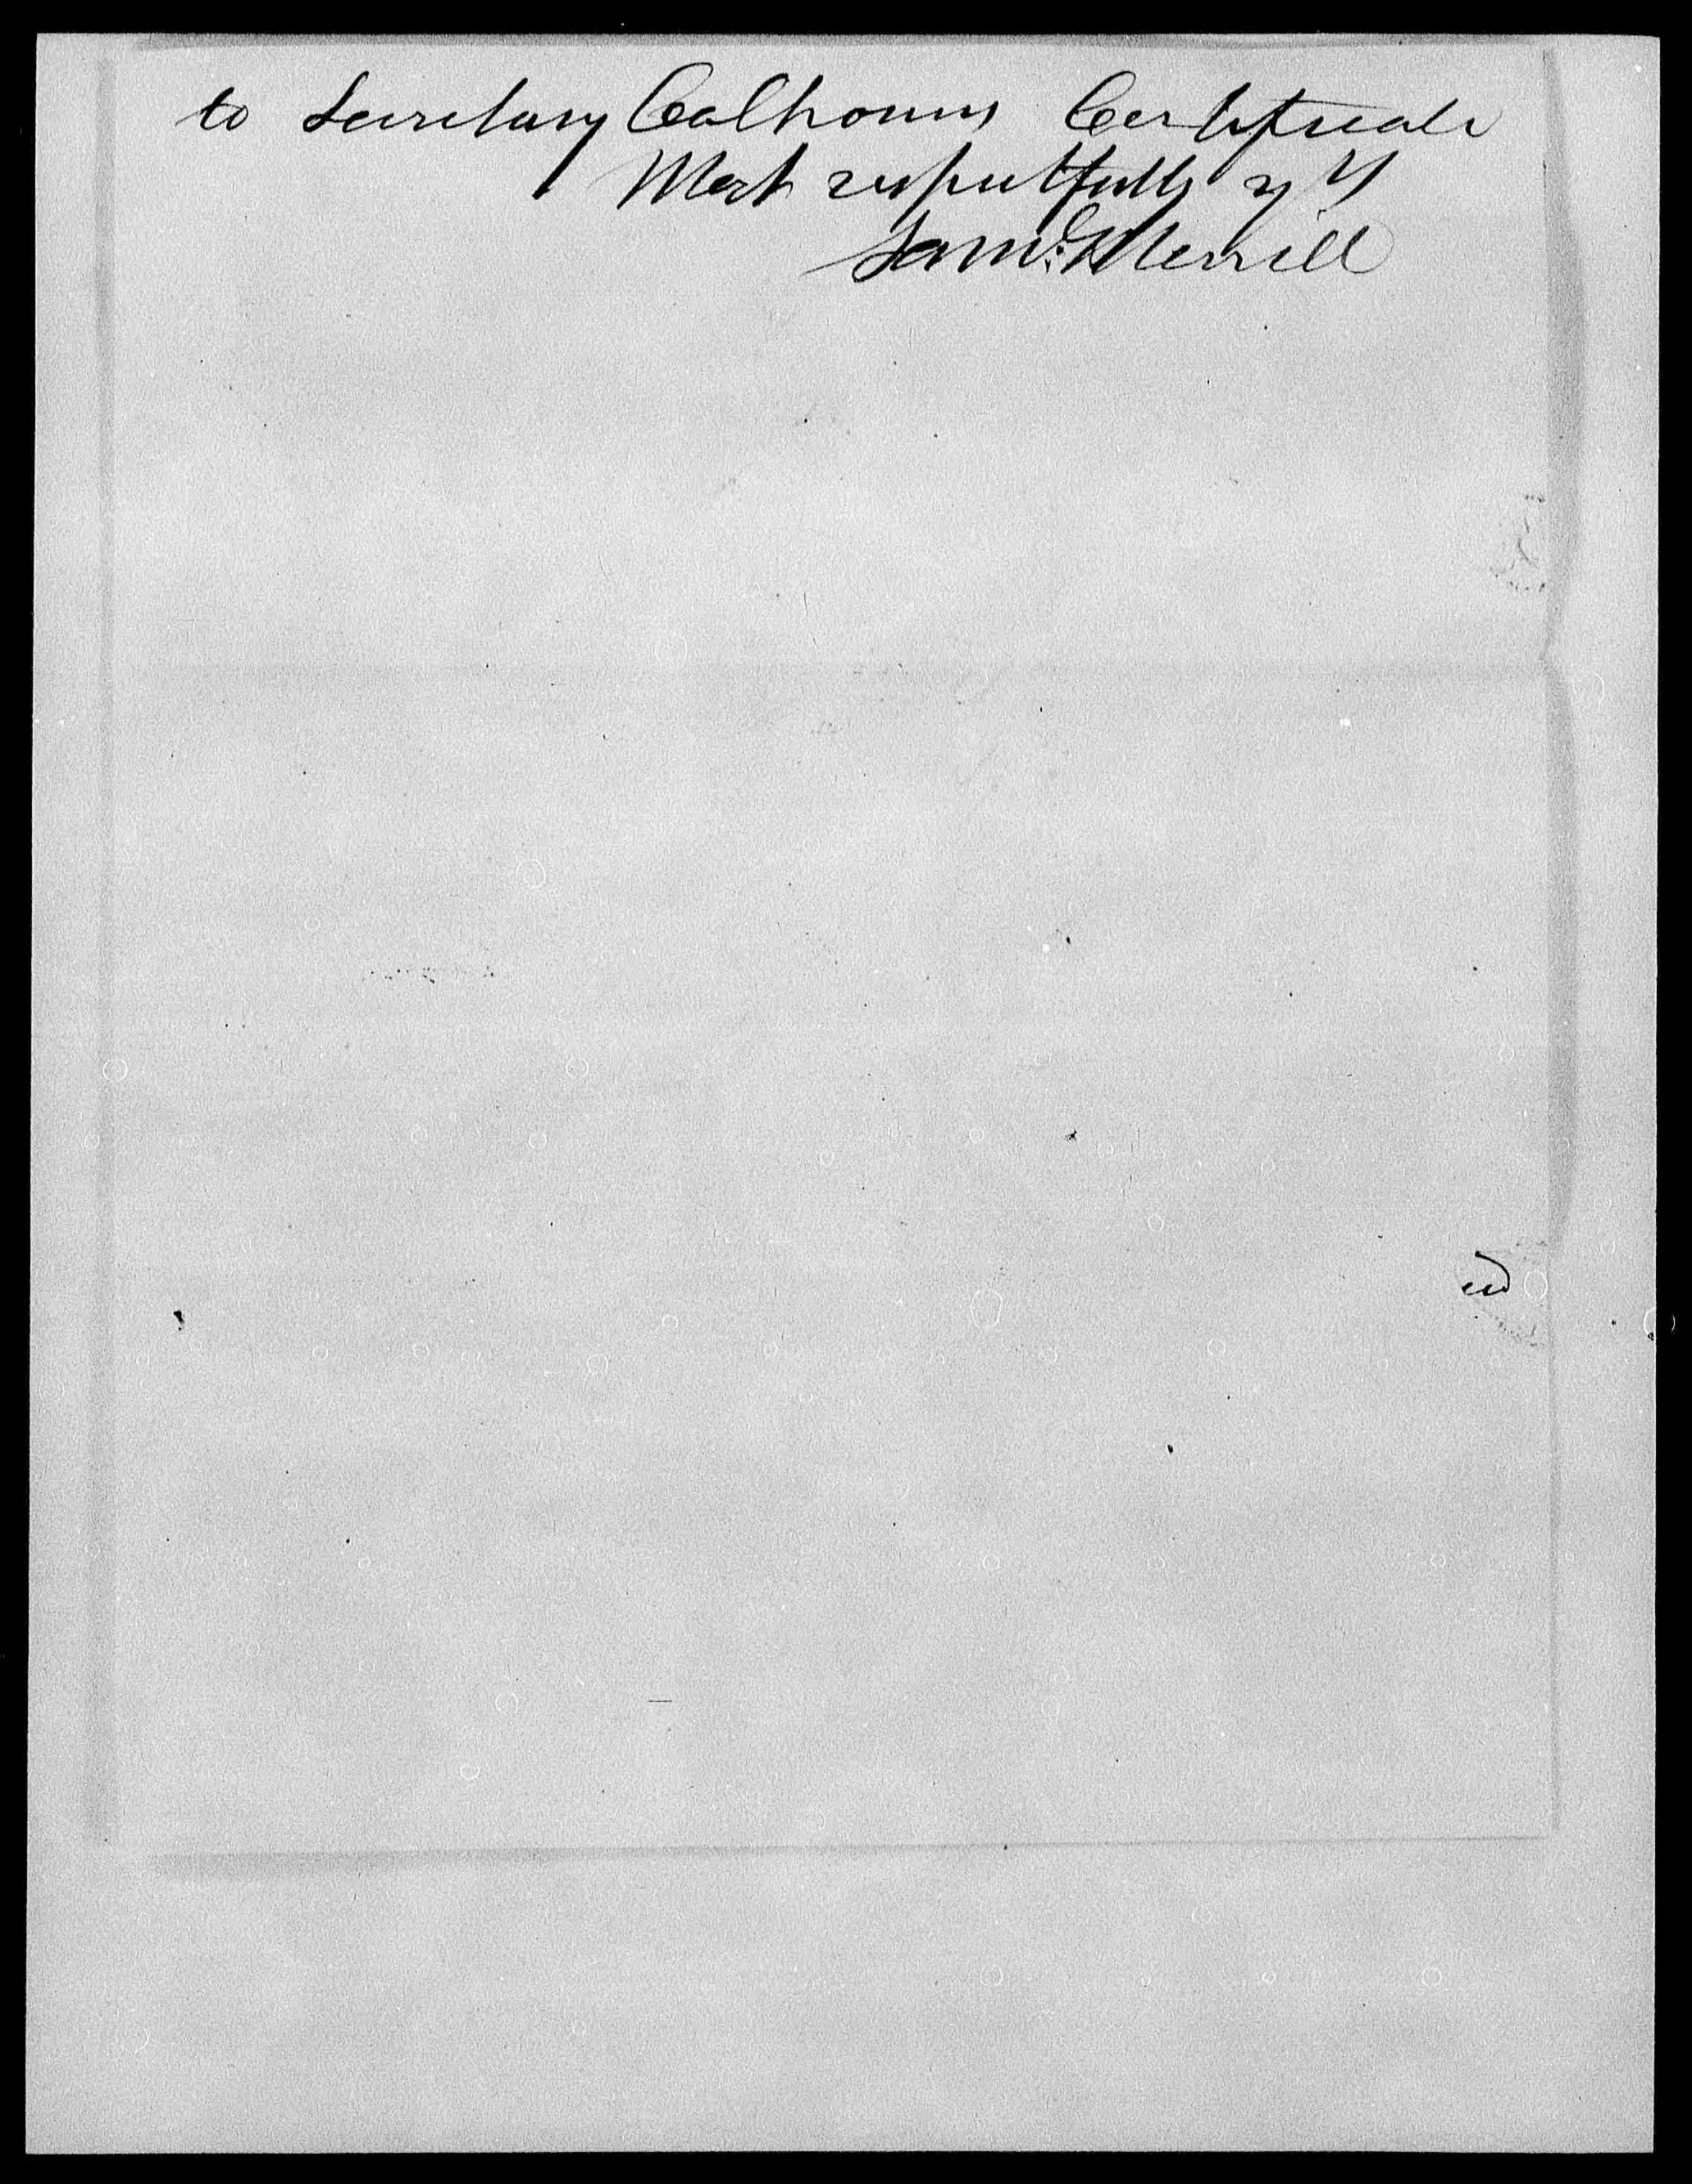to Secretary Calhouns Certificate.
Most respectfully yours
Saml Merrill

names: Saml Merrill; [BLANK] Calhouns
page: 29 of 29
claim: widow's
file: W. 1779, for Richard Kimball, Massachusetts